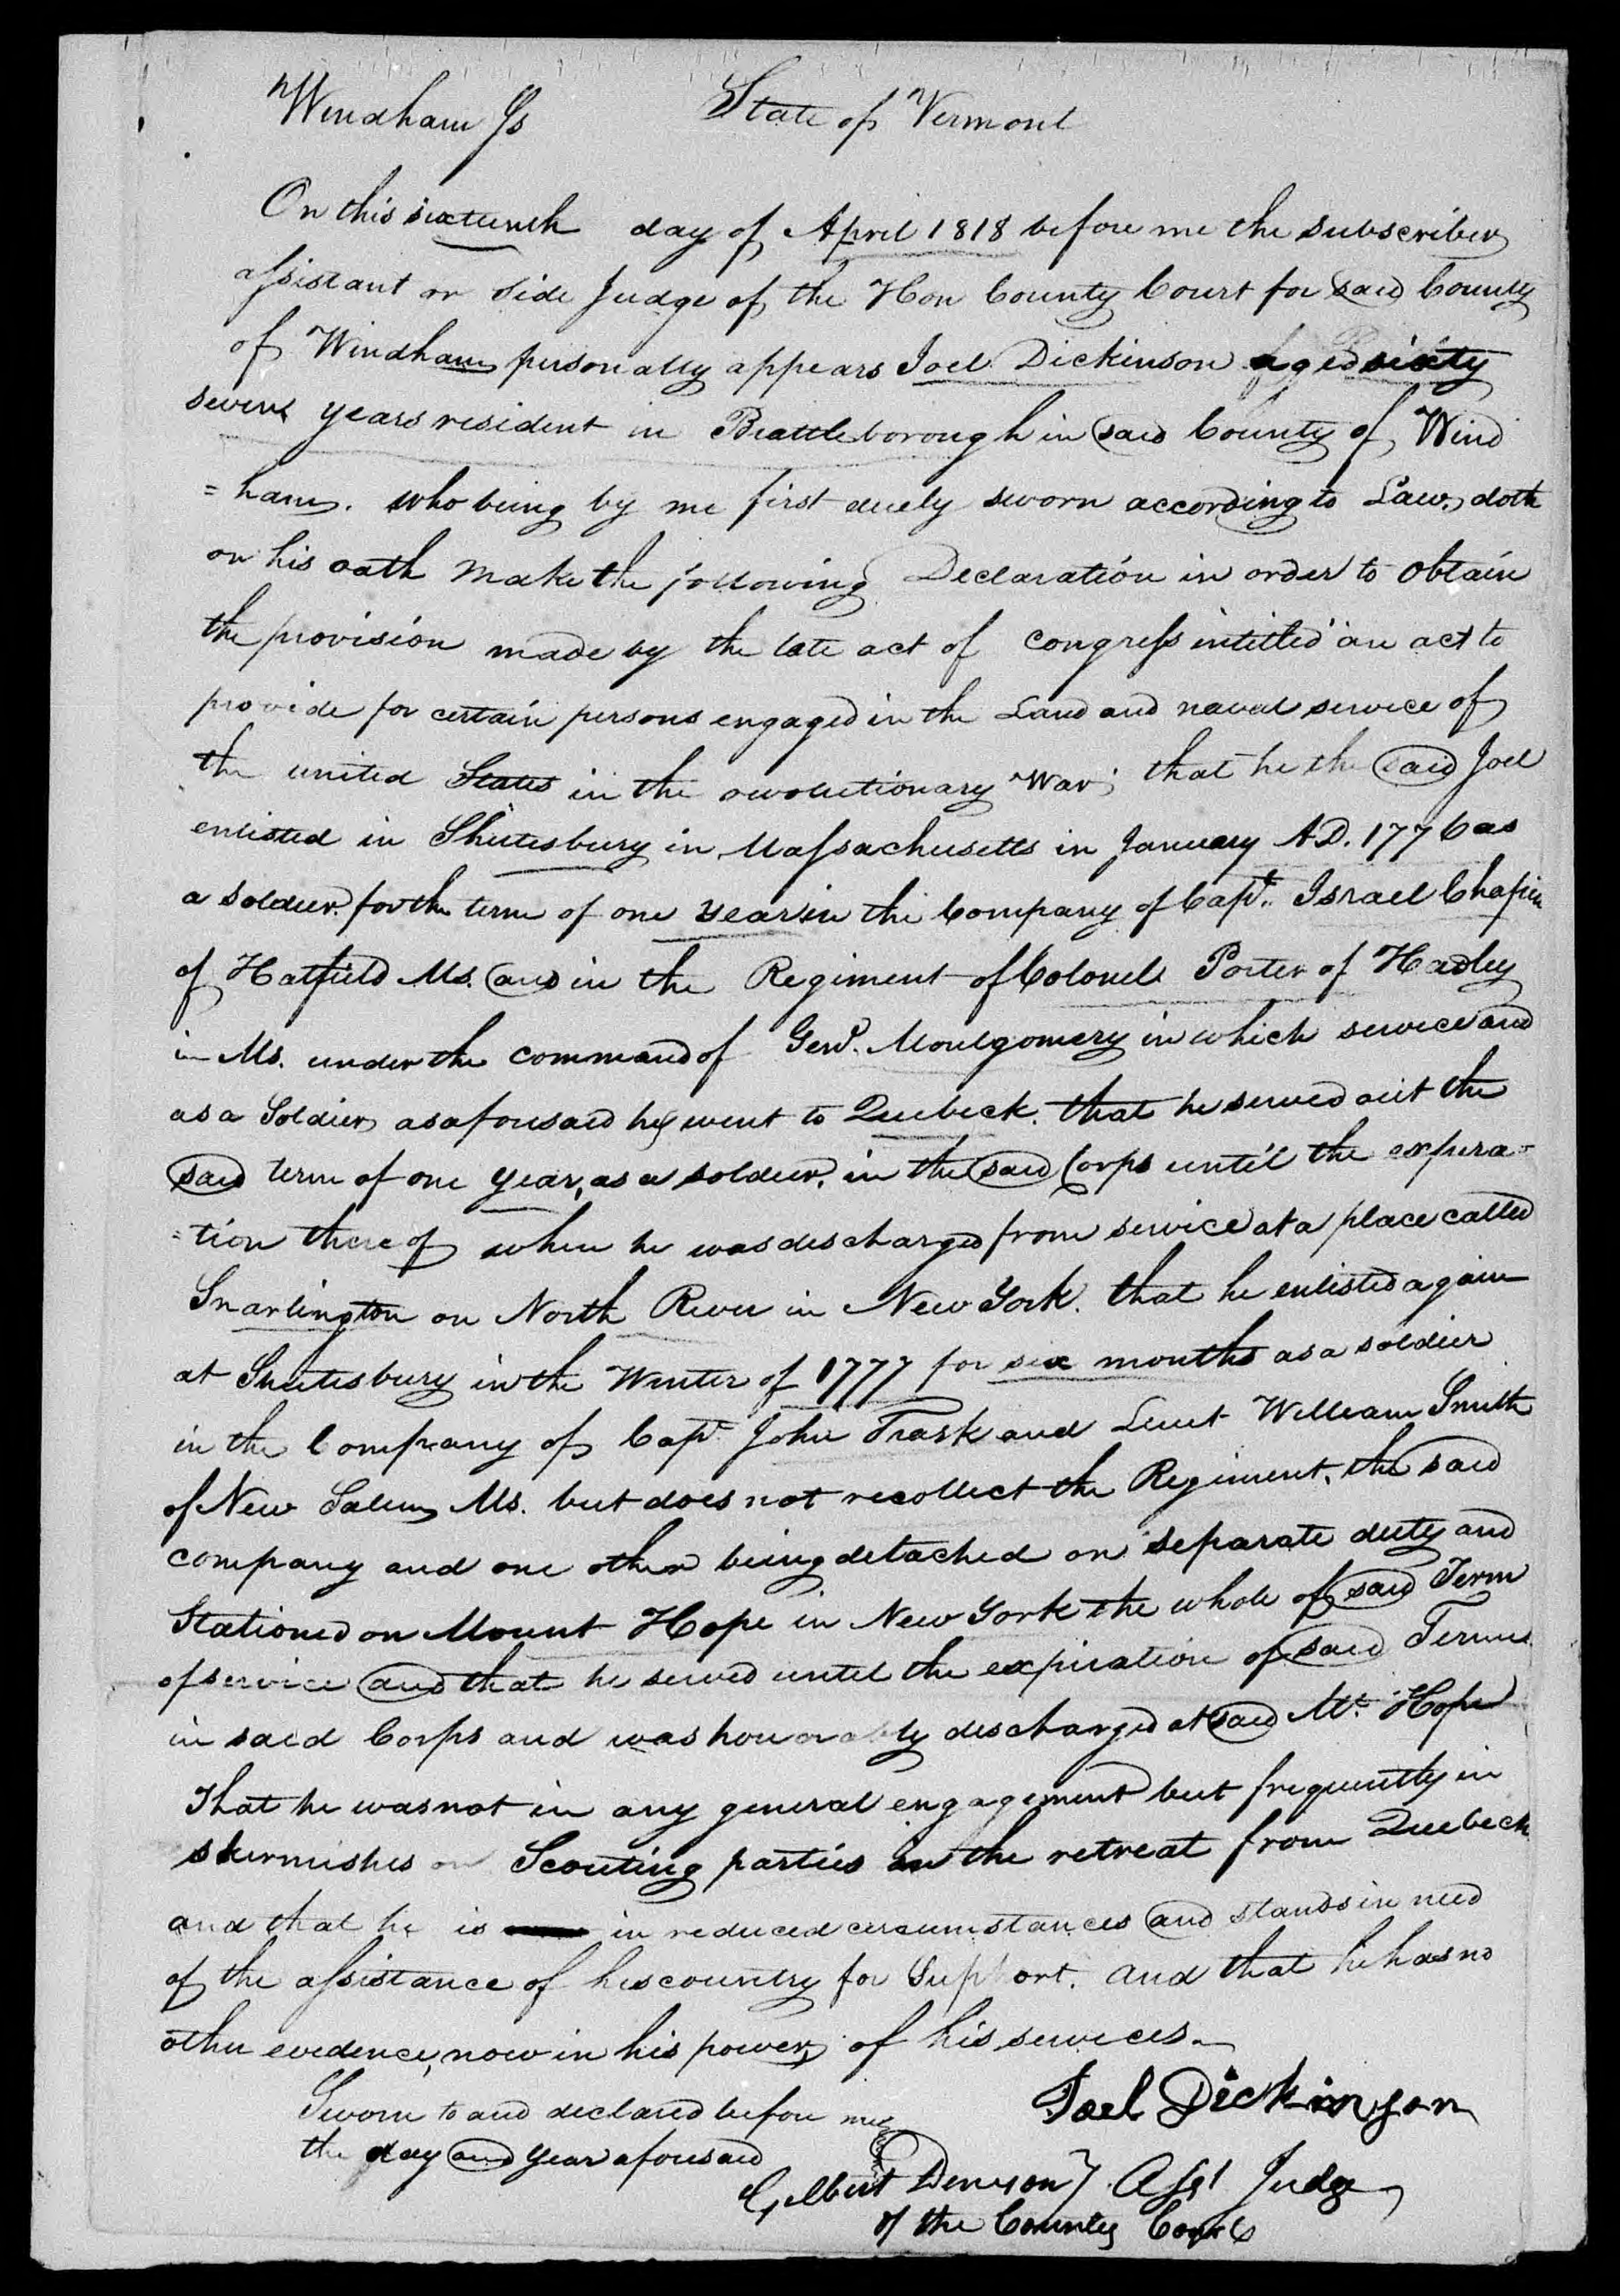State of Vermont
Windham Ss
On this sixteenth day of April 1818 before me the subscribed
assistant or side Judge of the Honorable County Court for said County of Windham personally appears Joel Dickinson aged sixty
seven years resident in Brattleborough [Brattleboro] in said County of Windham, who being by me first duly sworn according to Law, doth
on his oath make the following declaration in order to obtain
the provision made by the late act of congress entitled an act to
provide for certain persons engaged in the Land and naval service of
the United States in the revolutionary War; that he the said God
enlisted in Shutesbury in Massachusetts in January A.D. 1776 as a soldier for the term of one year in the Company of Captain Israel Chapin
of Hatfield Massachusetts and in the Regiment of Colonel Porter of Hadley in Massachusetts under the command of General Montgomery in which service and
as a Soldier as aforesaid he went to Quebeck [sic] that he served out the
said term of one year, as a soldier in the said Corps until the expiration thereof when he was discharged from service at a place called
Snarlington on North River in New York. that he enlisted again
at Shutesbury in the Winter of 1777 for six months as a soldier
in the Company of Captain John Trask and Lieutenant William Smith
of New Salem, Massachusetts but does not recollect the Regiment, the said
company and one other being detached on separate duty and
stationed on Mount Hope in New York the whole of said
service and that he served until the expiration of said Term
in said Corps and was honorably discharged at said Mt. Hope
That he was not in any general engagement but frequently in
skirmishes on scouting parties in the retreat from
Quebeck.
and that he is in reduced circumstances and stands in need
of the assistance of his country for support, and that he has no
other evidence now in his power of his services-
Joel Dickinson
Sworn to and declared before me
the day and year aforesaid

Gilbert Denison
Assistant Judge
of the County Court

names: John Trask, Montgomery, Joel Dickinson, Porter, Joel Dickinson, William Smith, Israel Chapin, Hope, Gilbert Denison, Joel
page: 6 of 31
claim: widow's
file: W. 22946, Joel Dickinson, Mass.